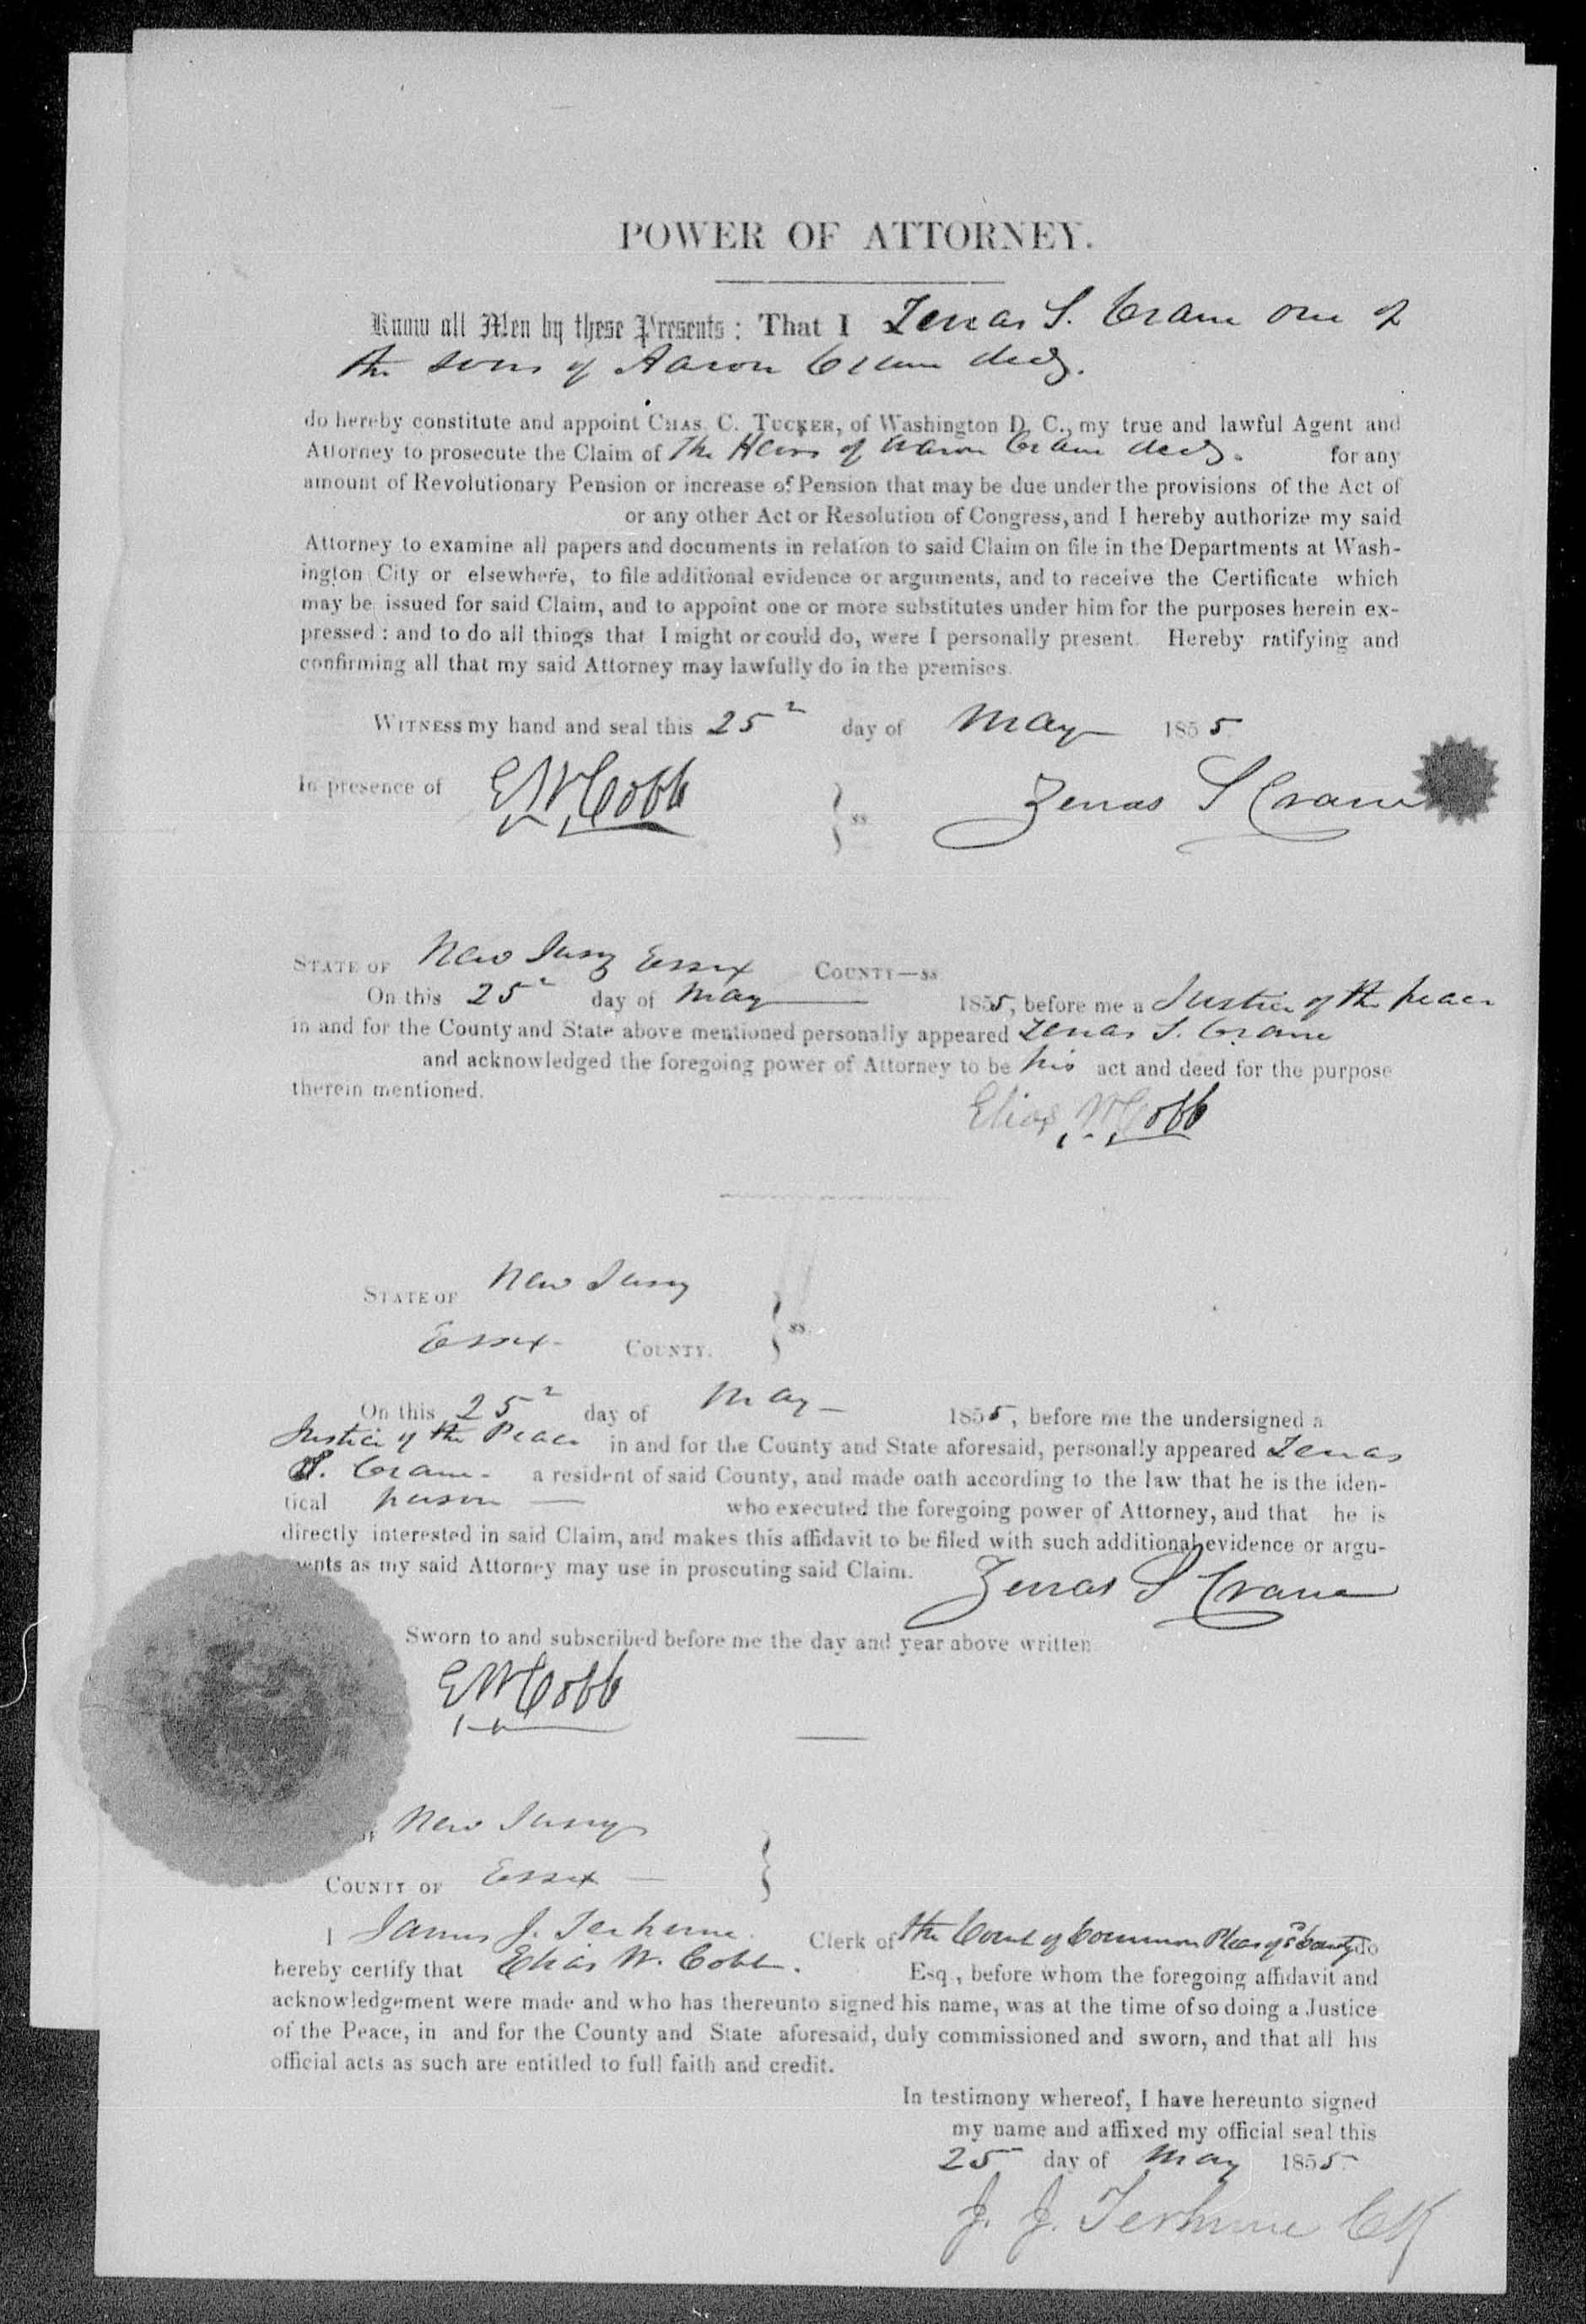.                                                                              POWER OF ATTORNEY

Know all Men by thes Presents:  That I Zenas S Crane one of 

the sons of Aaron Crane decd.

do hereby constitute and appoint CHAS . C. TUCKER, of Washington, D. C. my true and lawful Agent and

Attorney to prosecute the Claim of the Heirs of Aaron Crane for any

amount of Revolutionary Pension or increase  of Pension that may be due under the provisions of the Act of

                                                               or any other Act of Resolution of Congress, and I hereby authorize my said

Attorney to examine all papers and couments in relation to said Claim on file in the Departments at Wash -

ington City or elsewhere , to file additional evidence or arguments, and to receive the Certificate which

may be issued for  said Claim, and to appoint one or more substiutes under him for the purposes herein ex -

pressed:  and to do all things that I might or could do, were I personally present.  Hereby ratifying and

confirming all that my said Attorney may lawfully do in the premises.


Witness my hand and seal this 25th day of May 1855

In presence of E W Cobb             SS                                              Zenas S Crane


STATE OF New Jersey   Essex COUNTY - SS

On this 25 day of May 1855, before me a Justice of the Peace 

in and for the County and State above mentioned personally appeared Zenaz S Cran

                             and acknowledged the foregoin power of Attorney to be his act and deed for the purpose

therein mentioned
                                                                                         Elias W. Cobb.


STATE OF New Jersey
                                            SS:
Essex COUNTY 

On this 25th day of May 1855, before me the undersigned a 

Justice of the Peace in and for the County and State aforesaid, personally appeared Zenas

S. Crane a resident of said County, and made oath according to the law that he is the ident -

ical person who executed the foregoing power of Attorney, and that he is

directly interested in said Claim, and makes this affidavit to be biled with such additional evidence or argu -

ments as my said attorney may use in prosecuting said Clam.

                                                                                         Zenas S Crane

E. W. Cobb


 STATE OF New Jersey

COUNTY OF Essex


I James J Terhune Clerk of the Court of Common Pleas & Count do

hereby certify that Elias W. Cobb, Esq. before whom the foregoing affidavit and

acknowledgement were made and who has thereunto signed his name was at the time of so doing a Justice

of the Pece, in and for the County and State aforesaid, duly commissioned and sworn, and that all his 

official acts suchare entitled to full faith and credit.

 
                                                                                         In testimony whereof, I have hereunto signed

                                                                                         my name affixed my official seal this 

                                                                                         25 day of May 1855


                                                                                                                            J J Terhune Clk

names: Zenas S Crane, Elias W Cobb, J J Terhune, E W Cobb, James J Terhune, Zenas S Crane, Zenas S Crane, Elias W Cobb, Zenas S Crane, Aaron Crane, Zenas S Crane, Aaron Crane, E W Cobb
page: 14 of 32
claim: rejected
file: R. 2441, Aaron Crane, New Jersey